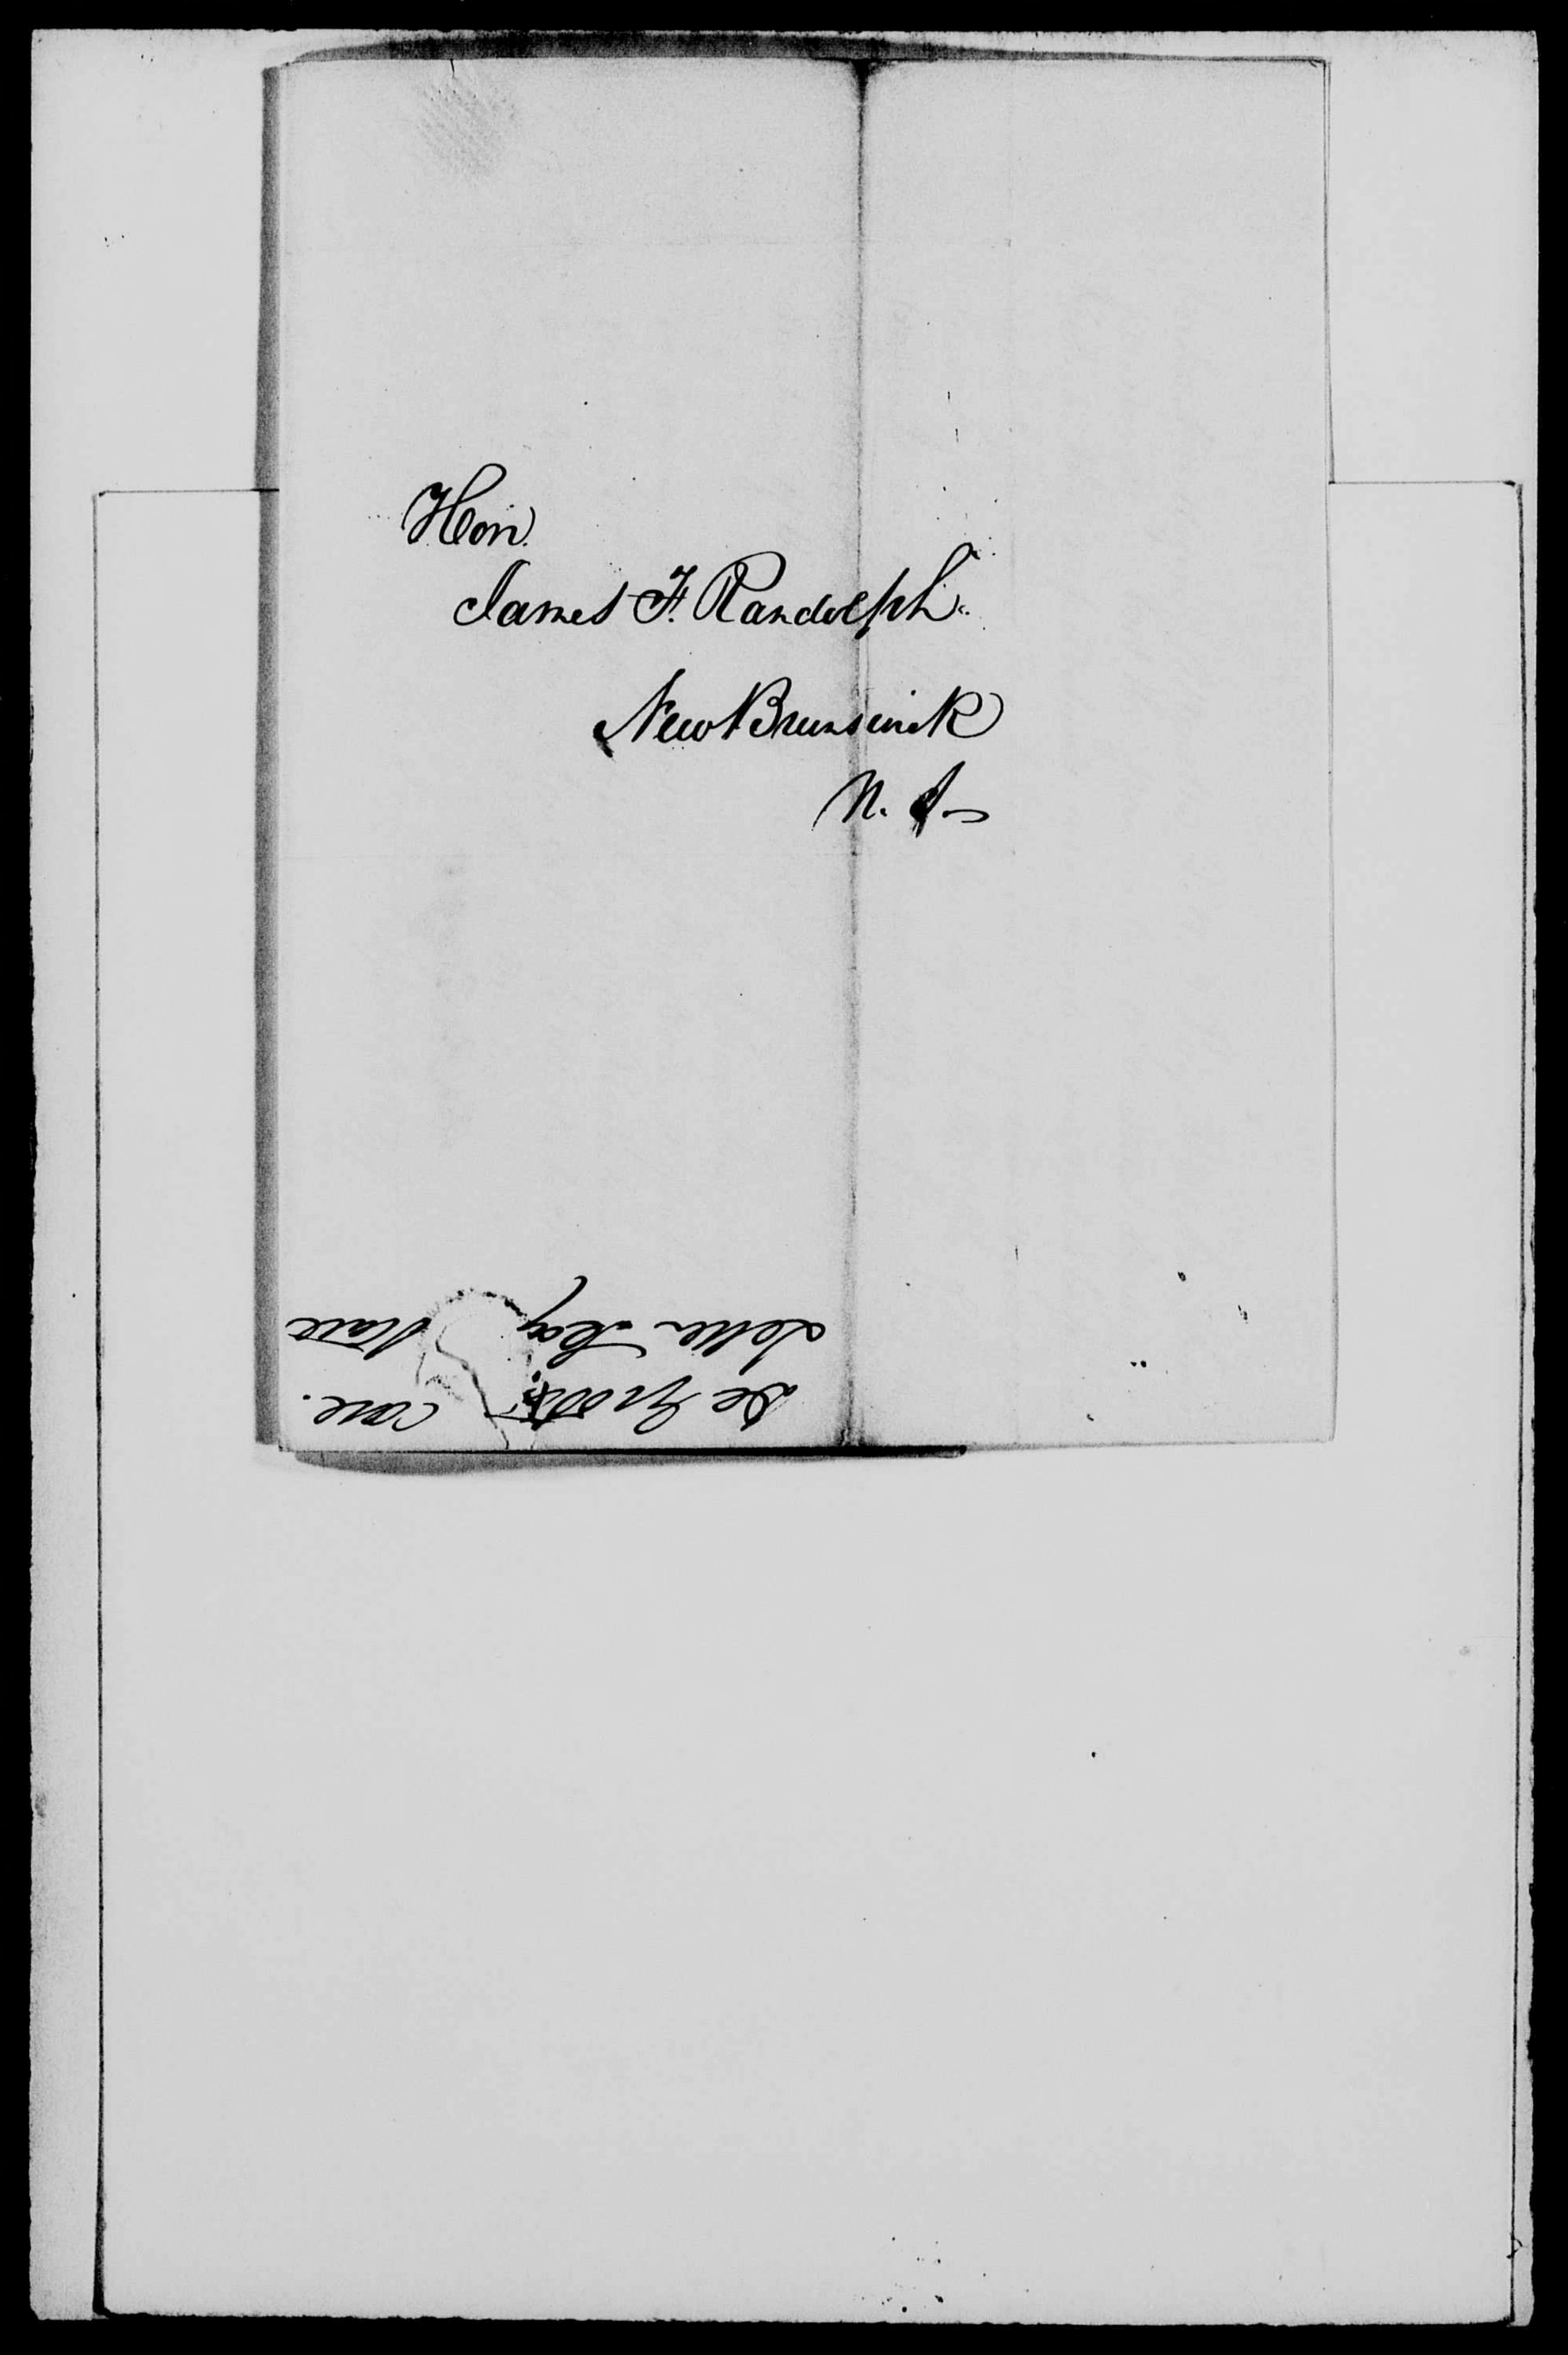Hon. James f. Randolph
New Bruswick
N.J.

De Groot case
Letter Secy State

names: De Groot, James F Randolph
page: 31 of 77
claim: widow's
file: W. 417, William De Groot, New Jersey